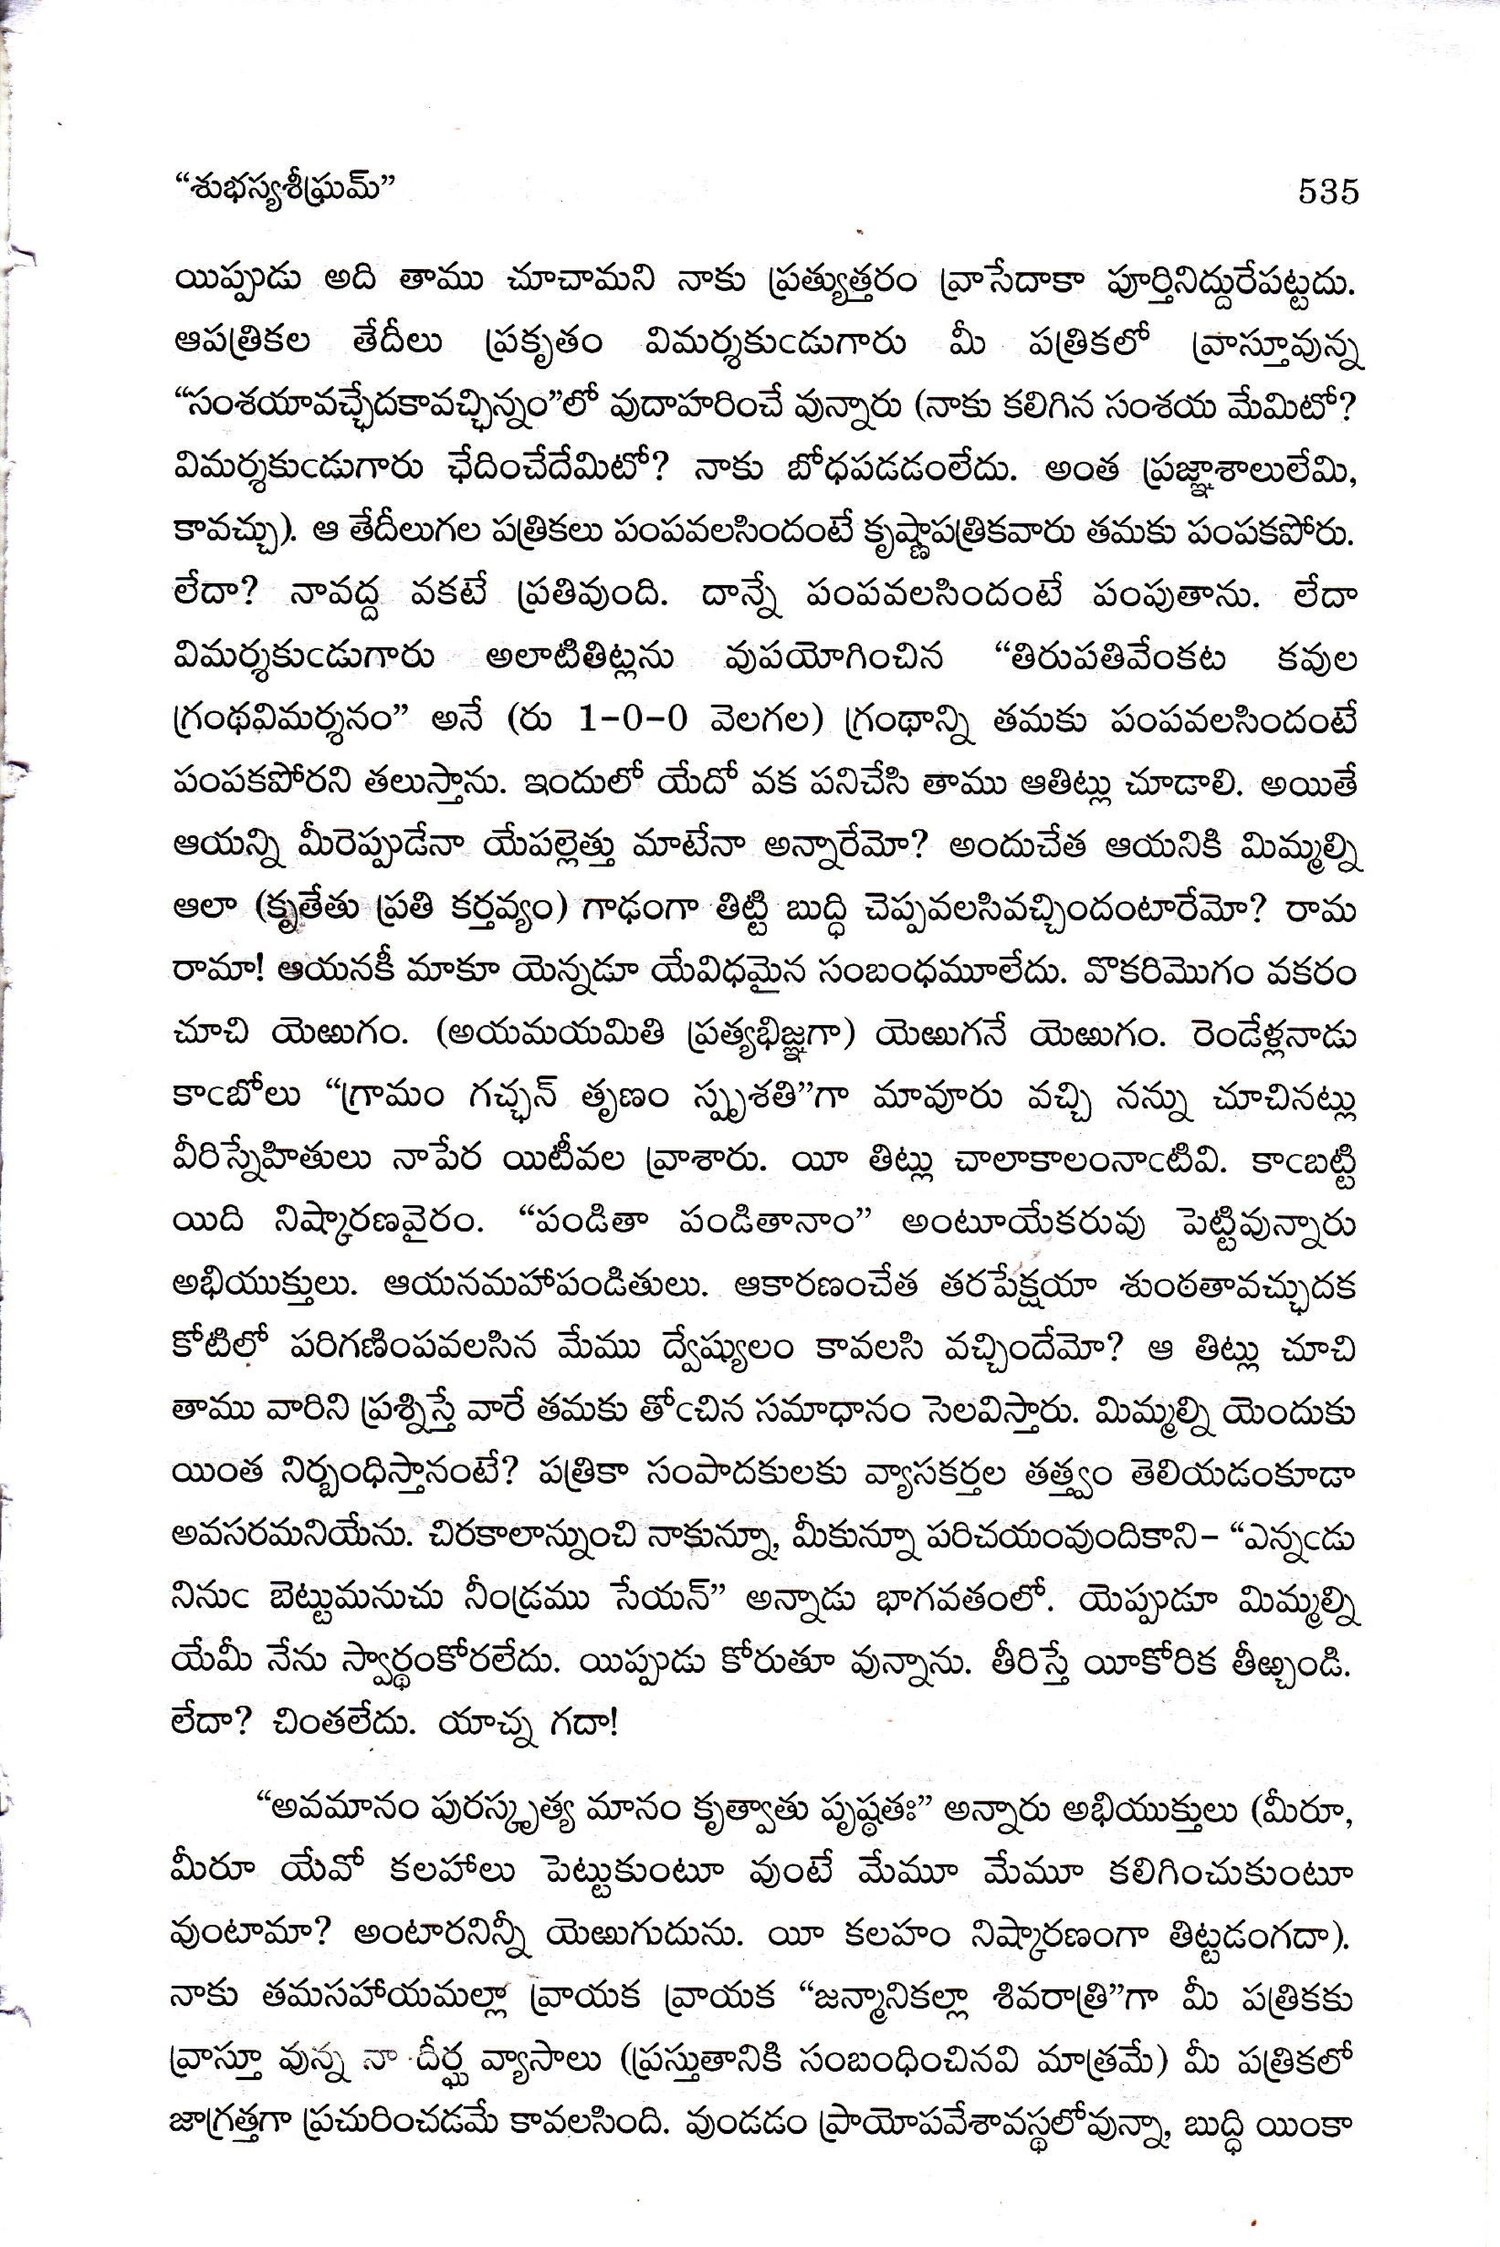యిప్పుడు అది తాము చూచామని నాకు ప్రత్యుత్తరం వ్రాసేదాకా పూర్తినిద్దురేపట్టదు. ఆపత్రికల తేదీలు ప్రకృతం విమర్శకుఁడుగారు మీ పత్రికలో వ్రాస్తూవున్న “సంశయావచ్ఛేదకావచ్ఛిన్నం"లో వుదాహరించే వున్నారు (నాకు కలిగిన సంశయ మేమిటో? విమర్శకుఁడుగారు ఛేదించేదేమిటో? నాకు బోధపడడంలేదు. అంత ప్రజ్ఞాశాలులేమి, కావచ్చు). ఆ తేదీలుగల పత్రికలు పంపవలసిందంటే కృష్ణాపత్రికవారు తమకు పంపకపోరు. లేదా? నావద్ద వకటే ప్రతివుంది. దాన్నే పంపవలసిందంటే పంపుతాను. లేదా విమర్శకుఁడుగారు అలాటితిట్లను వుపయోగించిన "తిరుపతివేంకట కవుల గ్రంథవిమర్శనం" అనే (రు 1-0–0 వెలగల) గ్రంథాన్ని తమకు పంపవలసిందంటే పంపకపోరని తలుస్తాను. ఇందులో యేదో వక పనిచేసి తాము ఆతిట్లు చూడాలి. అయితే ఆయన్ని మీరెప్పుడేనా యేపల్లెత్తు మాటేనా అన్నారేమో? అందుచేత ఆయనికి మిమ్మల్ని అలా (కృతేతు ప్రతి కర్తవ్యం) గాఢంగా తిట్టి బుద్ధి చెప్పవలసివచ్చిందంటారేమో? రామ రామా! ఆయనకీ మాకూ యెన్నడూ యేవిధమైన సంబంధమూలేదు. వొకరిమొగం వకరం చూచి యెఱుగం. (అయమయమితి ప్రత్యభిజ్ఞగా) యెఱుగనే యెఱుగం. రెండేళ్లనాడు కాcబోలు “గ్రామం గచ్ఛన్ తృణం స్పృశతి"గా మావూరు వచ్చి నన్ను చూచినట్లు వీరిస్నేహితులు నాపేర యిటీవల వ్రాశారు. యీ తిట్లు చాలాకాలంనాఁటివి. కాఁబట్టి యిది నిష్కారణవైరం. “పండితా పండితానాం” అంటూయేకరువు పెట్టివున్నారు అభియుక్తులు. ఆయనమహాపండితులు. ఆకారణంచేత తరపేక్షయా శుంఠతావచ్ఛుదక కోటిలో పరిగణింపవలసిన మేము ద్వేష్యులం కావలసి వచ్చిందేమో? ఆ తిట్లు చూచి తాము వారిని ప్రశ్నిస్తే వారే తమకు తోcచిన సమాధానం సెలవిస్తారు. మిమ్మల్ని యెందుకు యింత నిర్బంధిస్తానంటే? పత్రికా సంపాదకులకు వ్యాసకర్తల తత్త్వం తెలియడంకూడా అవసరమనియేను. చిరకాలాన్నుంచి నాకున్నూ మీకున్నూపరిచయంవుందికాని- “ఎన్నఁడు నినుఁ బెట్టుమనుచు నీండ్రము సేయన్” అన్నాడు భాగవతంలో, యెప్పుడూ మిమ్మల్ని యేమీ నేను స్వార్థంకోరలేదు. యిప్పుడు కోరుతూ వున్నాను. తీరిస్తే యీకోరిక తీఱ్చండి. లేదా? చింతలేదు. యాచ్న గదా!

“అవమానం పురస్కృత్య మానం కృత్వాతు పృష్ఠతః" అన్నారు అభియుక్తులు (మీరూ, మీరూ యేవో కలహాలు పెట్టుకుంటూ వుంటే మేమూ మేమూ కలిగించుకుంటూ వుంటామా? అంటారనిన్నీ యెఱుగుదును. యీ కలహం నిష్కారణంగా తిట్టడంగదా). నాకు తమసహాయమల్లా వ్రాయక వ్రాయక “జన్మానికల్లా శివరాత్రి"గా మీ పత్రికకు వ్రాస్తూ వున్న నా దీర్ఘ వ్యాసాలు (ప్రస్తుతానికి సంబంధించినవి మాత్రమే) మీ పత్రికలో జాగ్రత్తగా ప్రచురించడమే కావలసింది. వుండడం ప్రాయోపవేశావస్థలోవున్నా బుద్ధి యింకా